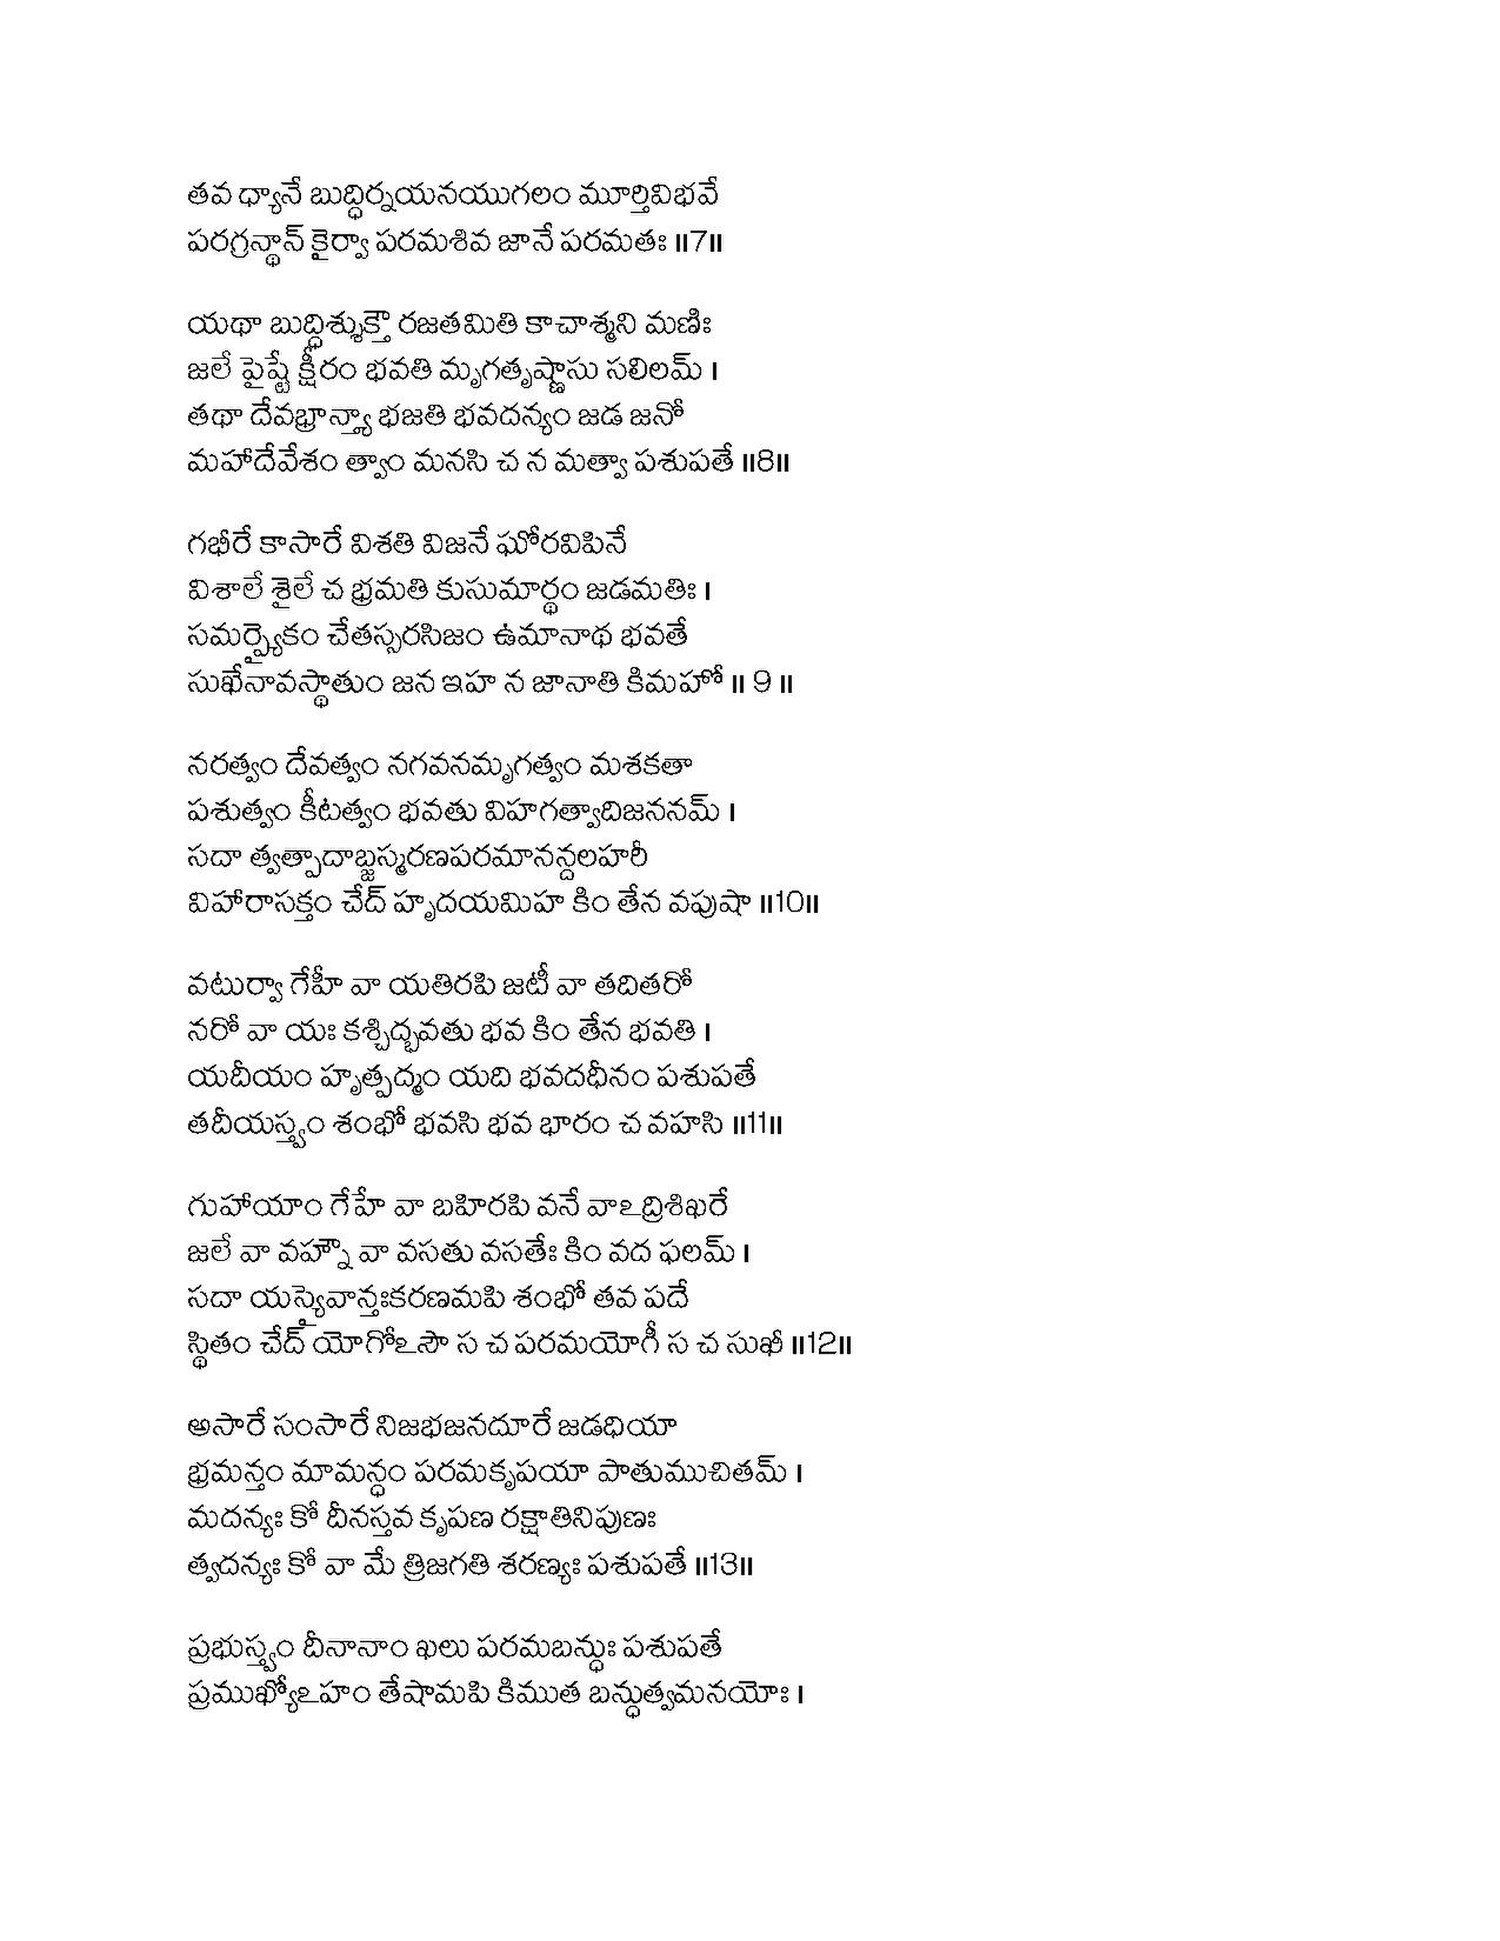తవ ధ్యానే బుద్ధిర్నయనయుగలం మూర్తివిభవే
పరగ్రన్థాన్ కైర్వా పరమశివజానే పరమతః ||7||

యథా బుద్ధిశ్శుక్తౌ రజతమితి కాచాశ్మని మణిః
జలే పైష్ఠే క్షీరం భవతి మృగతృష్ణాసు సలిలమ్ |
తథా దేవభ్రాన్త్యా భజతి భవదన్యం జడ జనో
మహాదేవేశం త్వాం మనసి చన మత్వా పశుపతే ||8||

గభీరే కాసారే విశతి విజనే ఘోరవిపినే
విశాలే శైలే చ భ్రమతి కుసుమార్థం జడమతిః |
సమర్ప్యైకం చేతస్సరసిజం ఉమానాథ భవతే
సుఖేనావస్థాతుం జన ఇహ నజానాతి కిమహో || 9 ||

నరత్వం దేవత్వం నగవనమృగత్వం మశకతా
పశుత్వం కీటత్వం భవతు విహగత్వాదిజననమ్ |
సదా త్వత్పాదాబ్దస్మరణపరమానన్దలహరీ
విహారాసక్తం చేద్ హృదయమిహ కిం తేన వపుషా || 10 ||

వటుర్వాగేహీ వా యతిరపి జటీ వా తదితరో
నరో వా యః కశ్చిద్భవతు భవ కిం తేన భవతి |
యదీయం హృత్పద్మం యది భవదధీనం పశుపతే
తదీయస్త్వం శంభో భవసి భవ భారం చ వహసి ||11||

గుహాయాం గేహే వా బహిరపి వనే వా౽ద్రిశిఖరే
జలే వా వహ్నౌ వా వసతు వసతేః కిం వద ఫలమ్ |
సదా యస్యైవాన్తఃకరణమపి శంభో తవ పదే
స్థితం చేద్ యోగో౽సౌ స చ పరమయోగీ స చ సుఖీ || 12 ||

అసారే సంసారే నిజభజనదూరే జడధియా
భ్రమన్తం మామన్ధం పరమకృపయా పాతుముచితమ్ |
మదన్యః కో దీనస్తవ కృపణ రక్షతినిపుణః
త్వదన్యః కో వా మే త్రిజగతి శరణ్యః పశుపతే ||13||

ప్రభుస్త్వం దీనానాం ఖలు పరమబన్ధుః పశుపతే
ప్రముఖ్యో౽హం తేషామపి కిముత బన్దుత్వమనయోః |